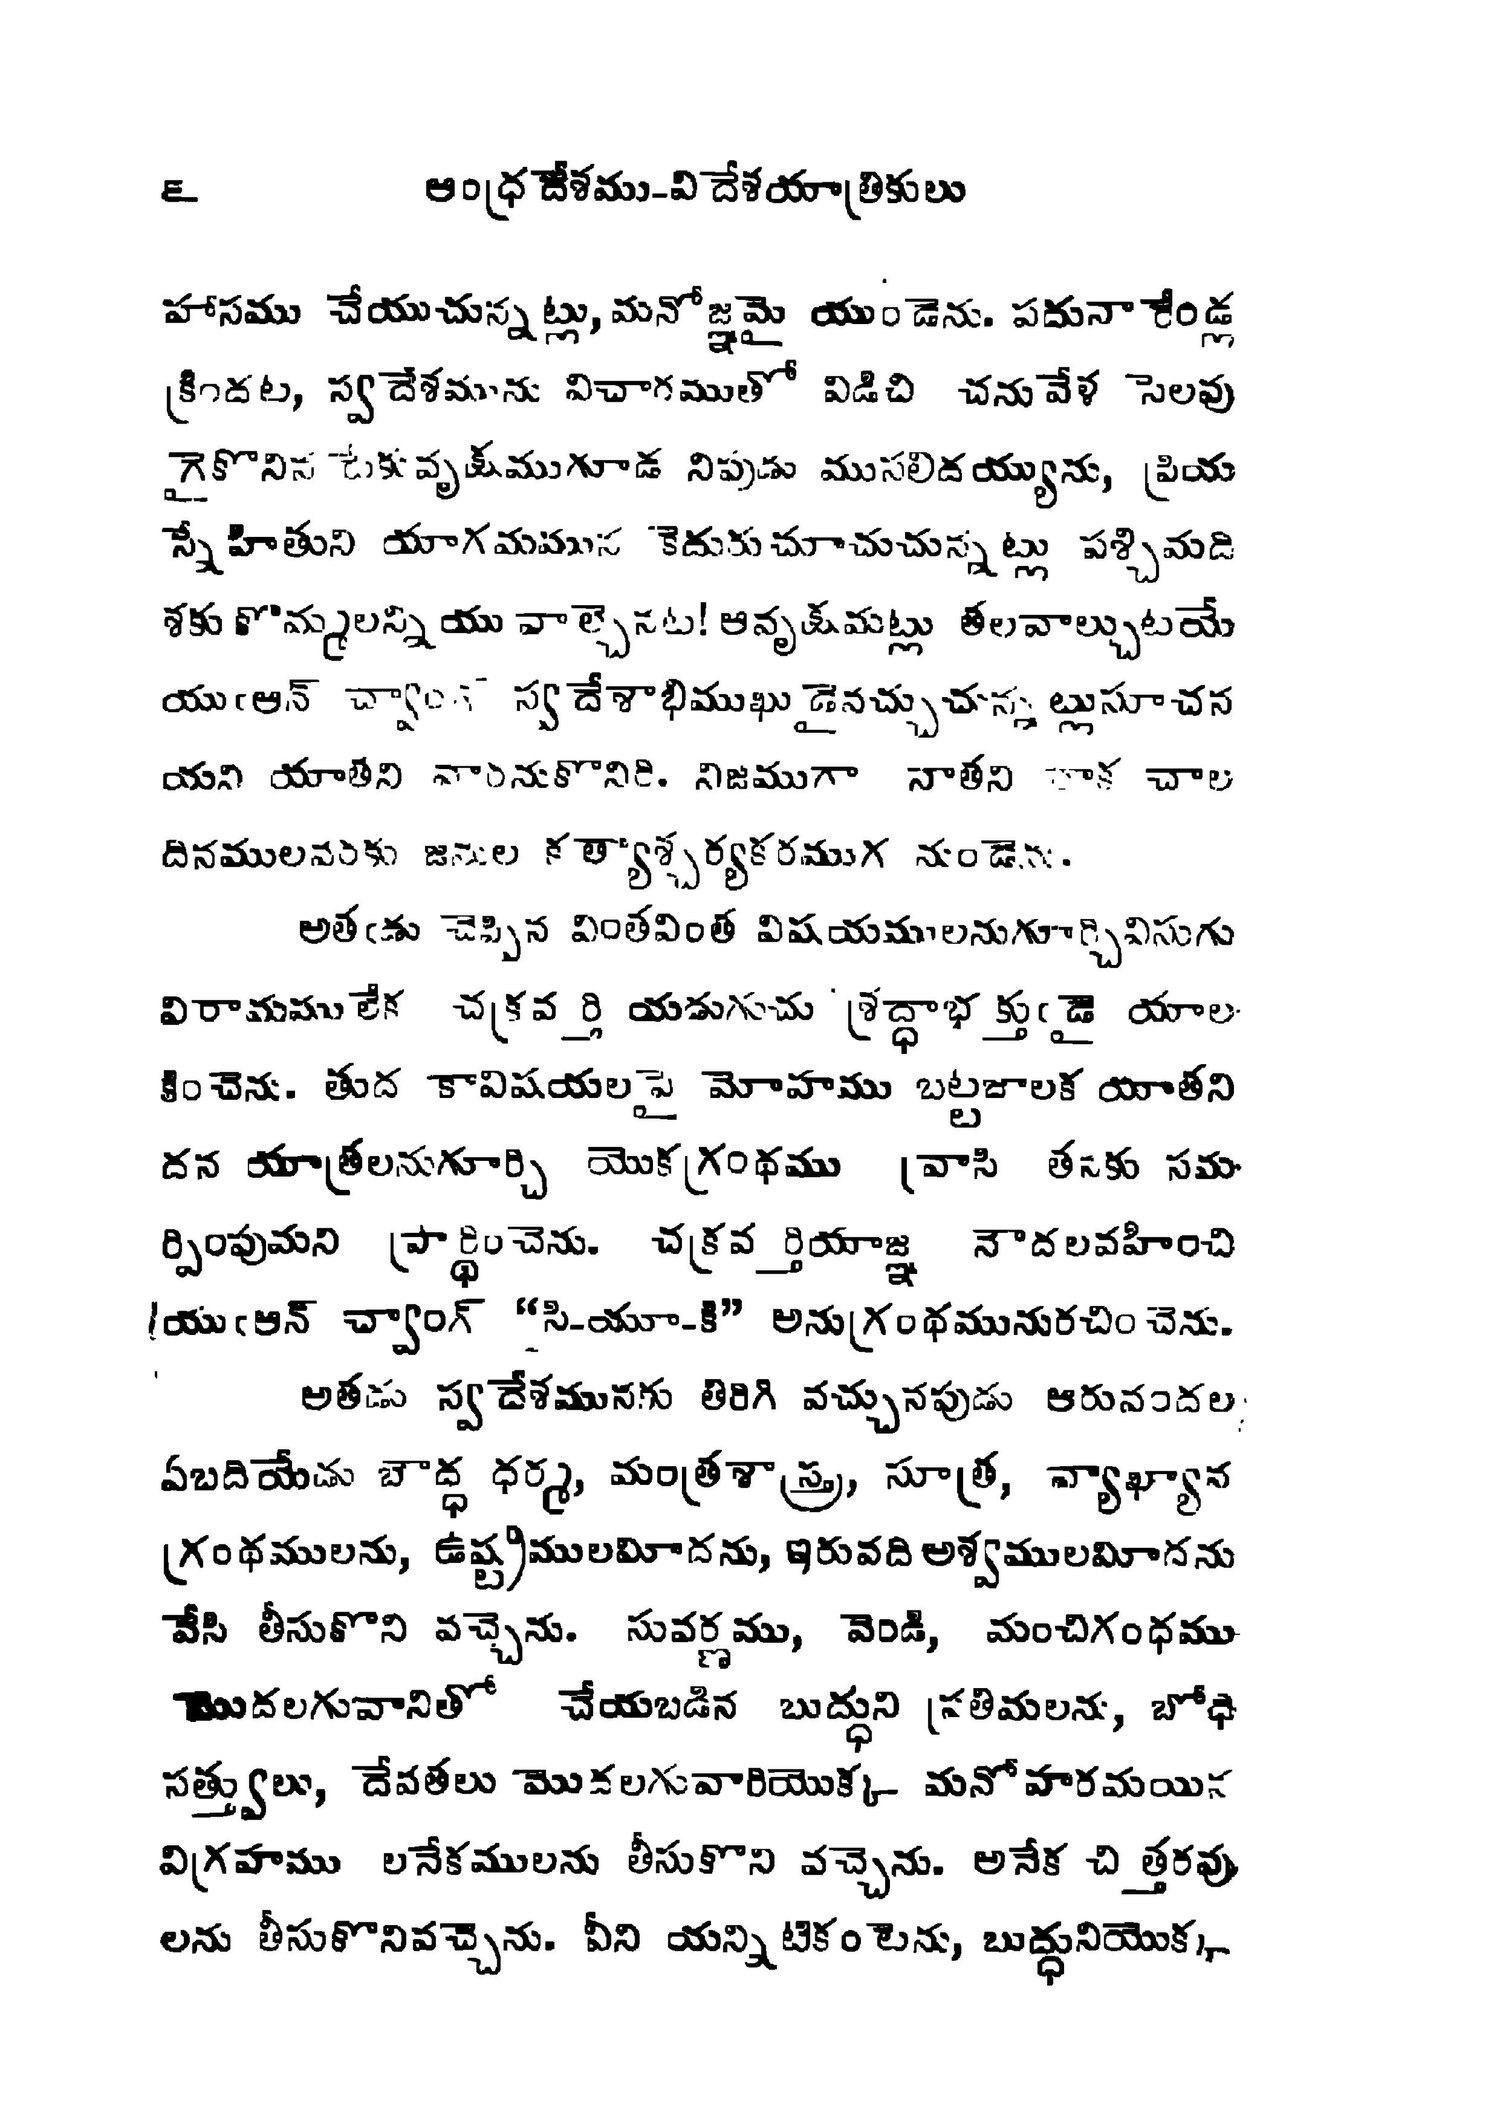హాసము చేయుచున్నట్లు, మనోజ్ఞమై యుండెను.పదునారేండ్ల క్రిందట, స్వదేశమును విచారముతో విడిచి చనువేళ సెలవు గైకొనిన టేకువృక్షముగూడ నిపుడు ముసలిదయ్యును, ప్రియస్నేహితుని యాగమమున కెదురుచూచుచున్నట్లు పశ్చిమదిశకు కొమ్మలన్నియు వాల్చెనట! ఆవృక్షమట్లు తలవాల్చుయే యుఁఆన్‌ చ్వాంగ్‌ స్వదేశాభిముఖుడైవచ్చుచున్నట్లు సూచనయని యాతని వారనుకొనిరి. నిజముగా నాతని రాక చాలదినముల వరకు జనుల కత్యాశ్చకరముగ నుండెను.

అతఁడు చెప్పిన వింతవింత విషయములను గూర్చివిసుగు విరామము లేక చక్రవర్తి యడుగుచు శ్రద్ధాభక్తుడై యాలకించెను. తుదకా విషయలపై మోహము బట్టజాలక యాతని దన యాత్రలనుగూర్చి యొకగ్రంథము వ్రాసి తనకు సమర్పింపుమని ప్రార్థించెను. చక్రవర్తి యాజ్ఙ నౌదలవహించి యుఁఆన్‌ చ్వాంగ్‌ "సి-యూ-కి" అను గ్రంథమును రచించెను.

అతడు స్వదేశమునకు తిరిగి వచ్చునప్పుడు ఆరువందల ఏబదియేడు బౌద్ధధర్మ, మంత్రశాస్త్ర, సూత్ర , వ్యాఖ్యాన గ్రంథములను, ఉష్ట్రములమిాదను, ఇరువది అశ్వములమిాదను వేసి తీసుకొని వచ్చెను. సువర్ణము, వెండి, మంచిగంధము మొదలగువానితో చేయబడిన బుద్ధుని ప్రతిమలను, బోధిస్వత్తులు, దేవతలు మొదలగు వారియొక్క మనోహరమయిన విగ్రహము లనేకములను తీసుకొని వచ్చెను. ఆనేక చిత్తరవులను తీసుకొని వచ్చెను. వీని యన్నింటికంటెను, బుద్ధునియొక్క